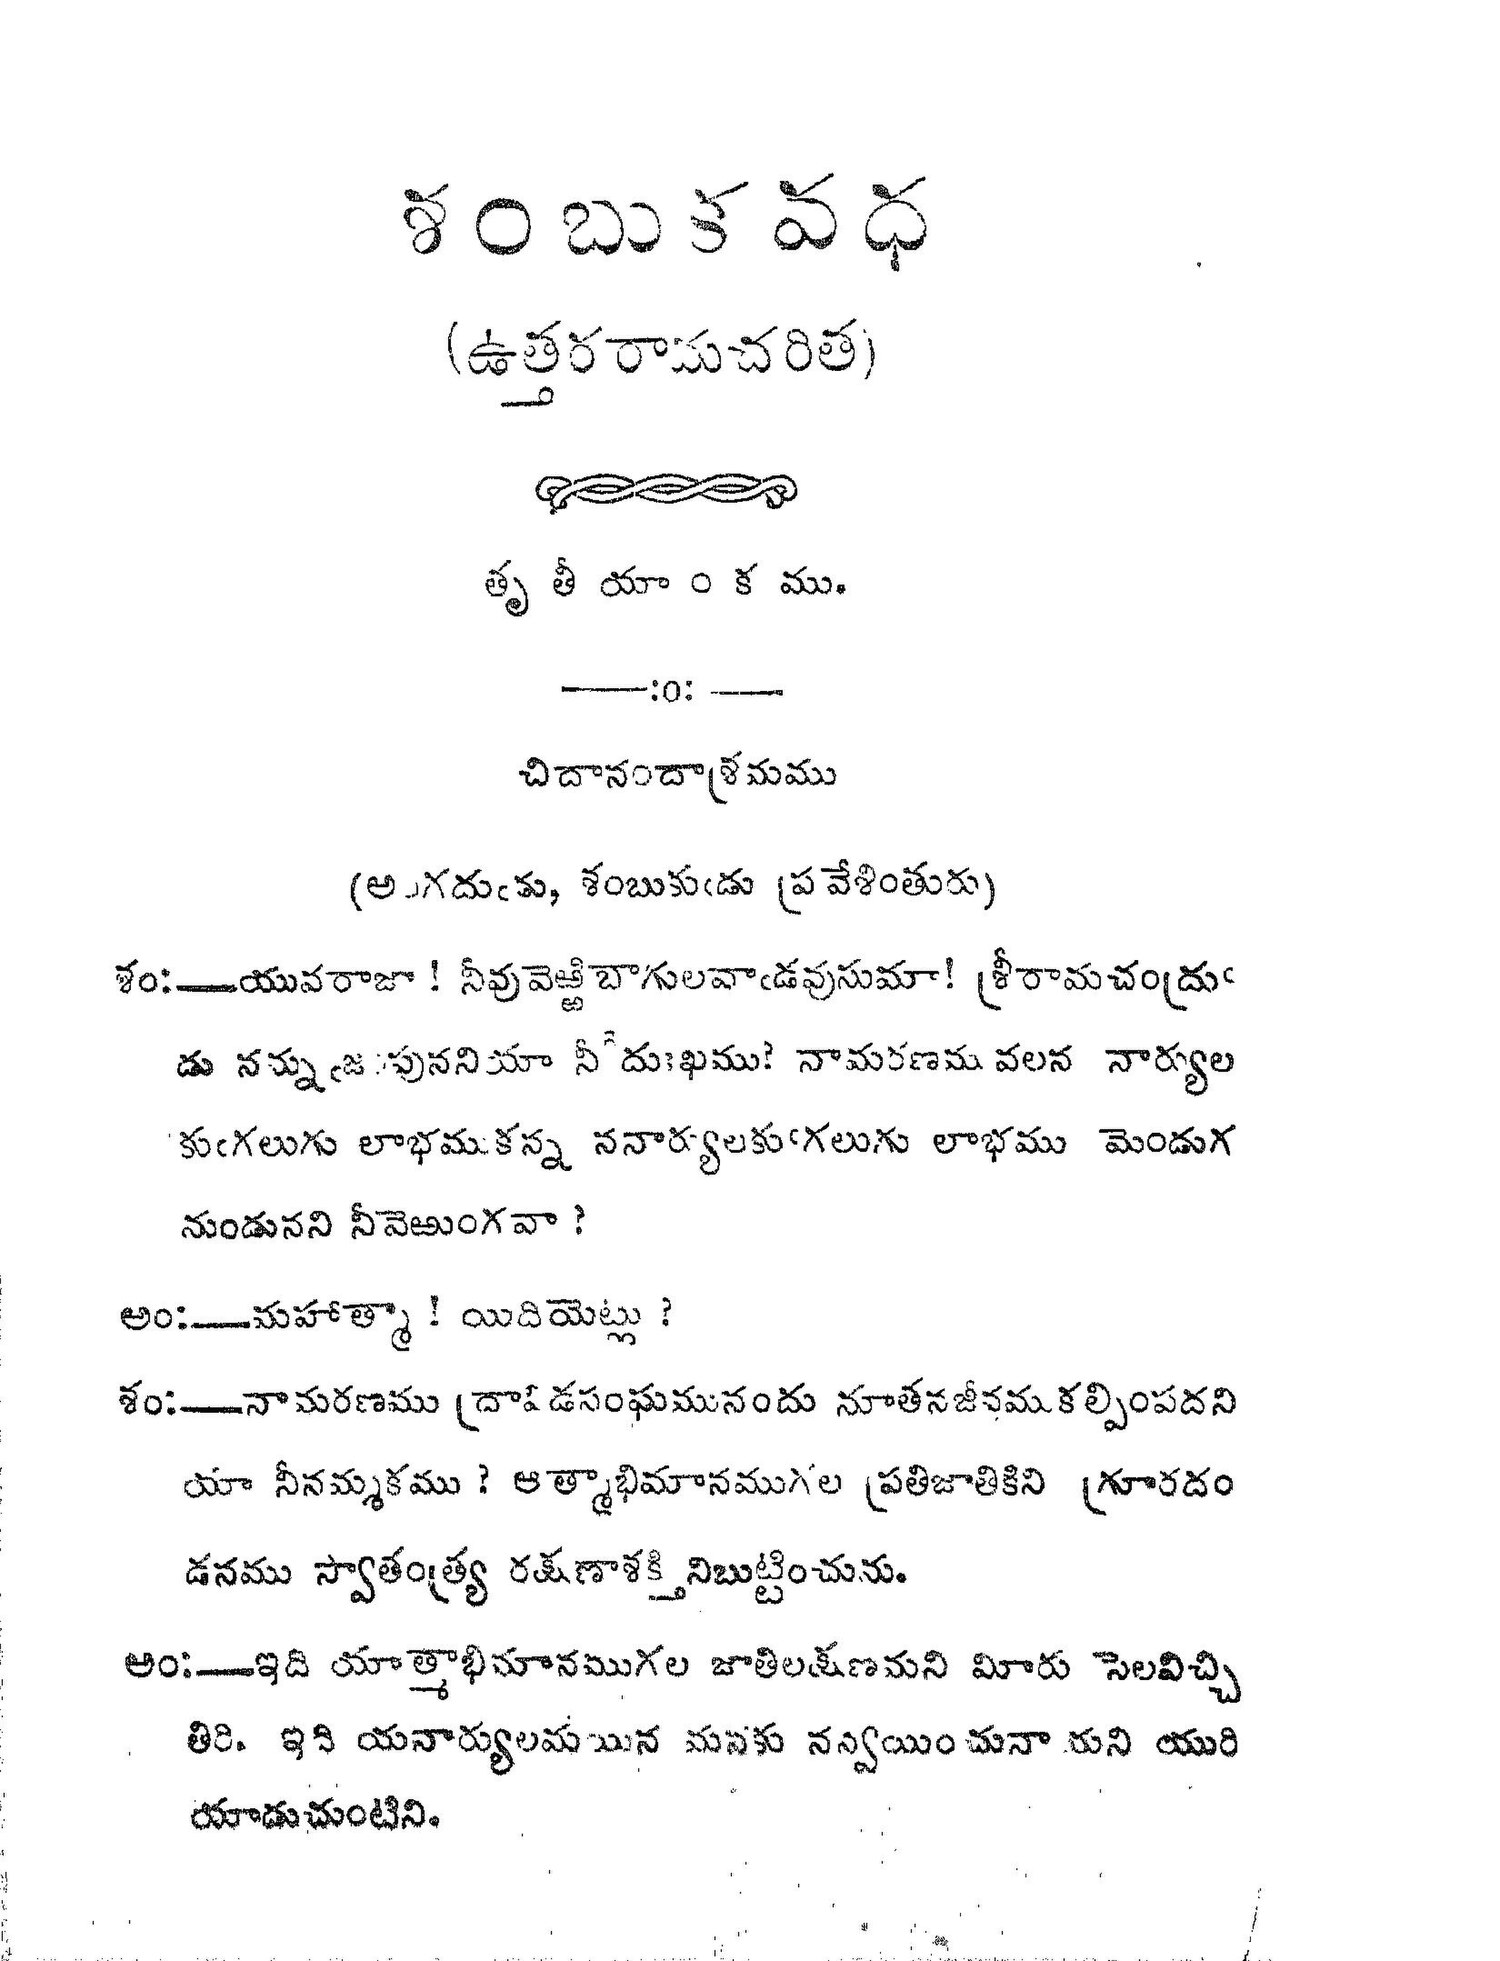.

(అంగదుఁకు, శంబుకుడు ప్రవేశింతురు)

శం: యువరాజా ! నీవు వెర్రిబాగులవాఁడవుసుమా! శ్రీరామచంద్రుఁ
 డు నన్ను జంపుననియా నీ దుఃఖము! నామరణము వలన నార్యుల
 కుఁగలుగు లాభముకన్న ననార్యులకు గలుగు లాభము మెండుగ
 నుండునని నీవెఱుంగవా!

అం: మహాత్మా ! యిది యెట్లు ?

శం: నా మరణము ద్రావిడ సంఘము నందు నూతన జీవము కల్పింపదని
 యా నీనమ్మకము ? ఆత్మాభిమానము గల ప్రతి జాతికిని గ్రూరదం
 డనము స్వాతంత్ర్య రక్షణాశక్తిని బుట్టించును.

అం: ఇది యాత్మాభిమానము గల జూతి లక్షణమని మీరు 'సెలవిచ్చి
 తిరి. ఇది యనార్యులమయిన మనకు నన్వయించునాయని యురి
 యాడుచుంటిని,